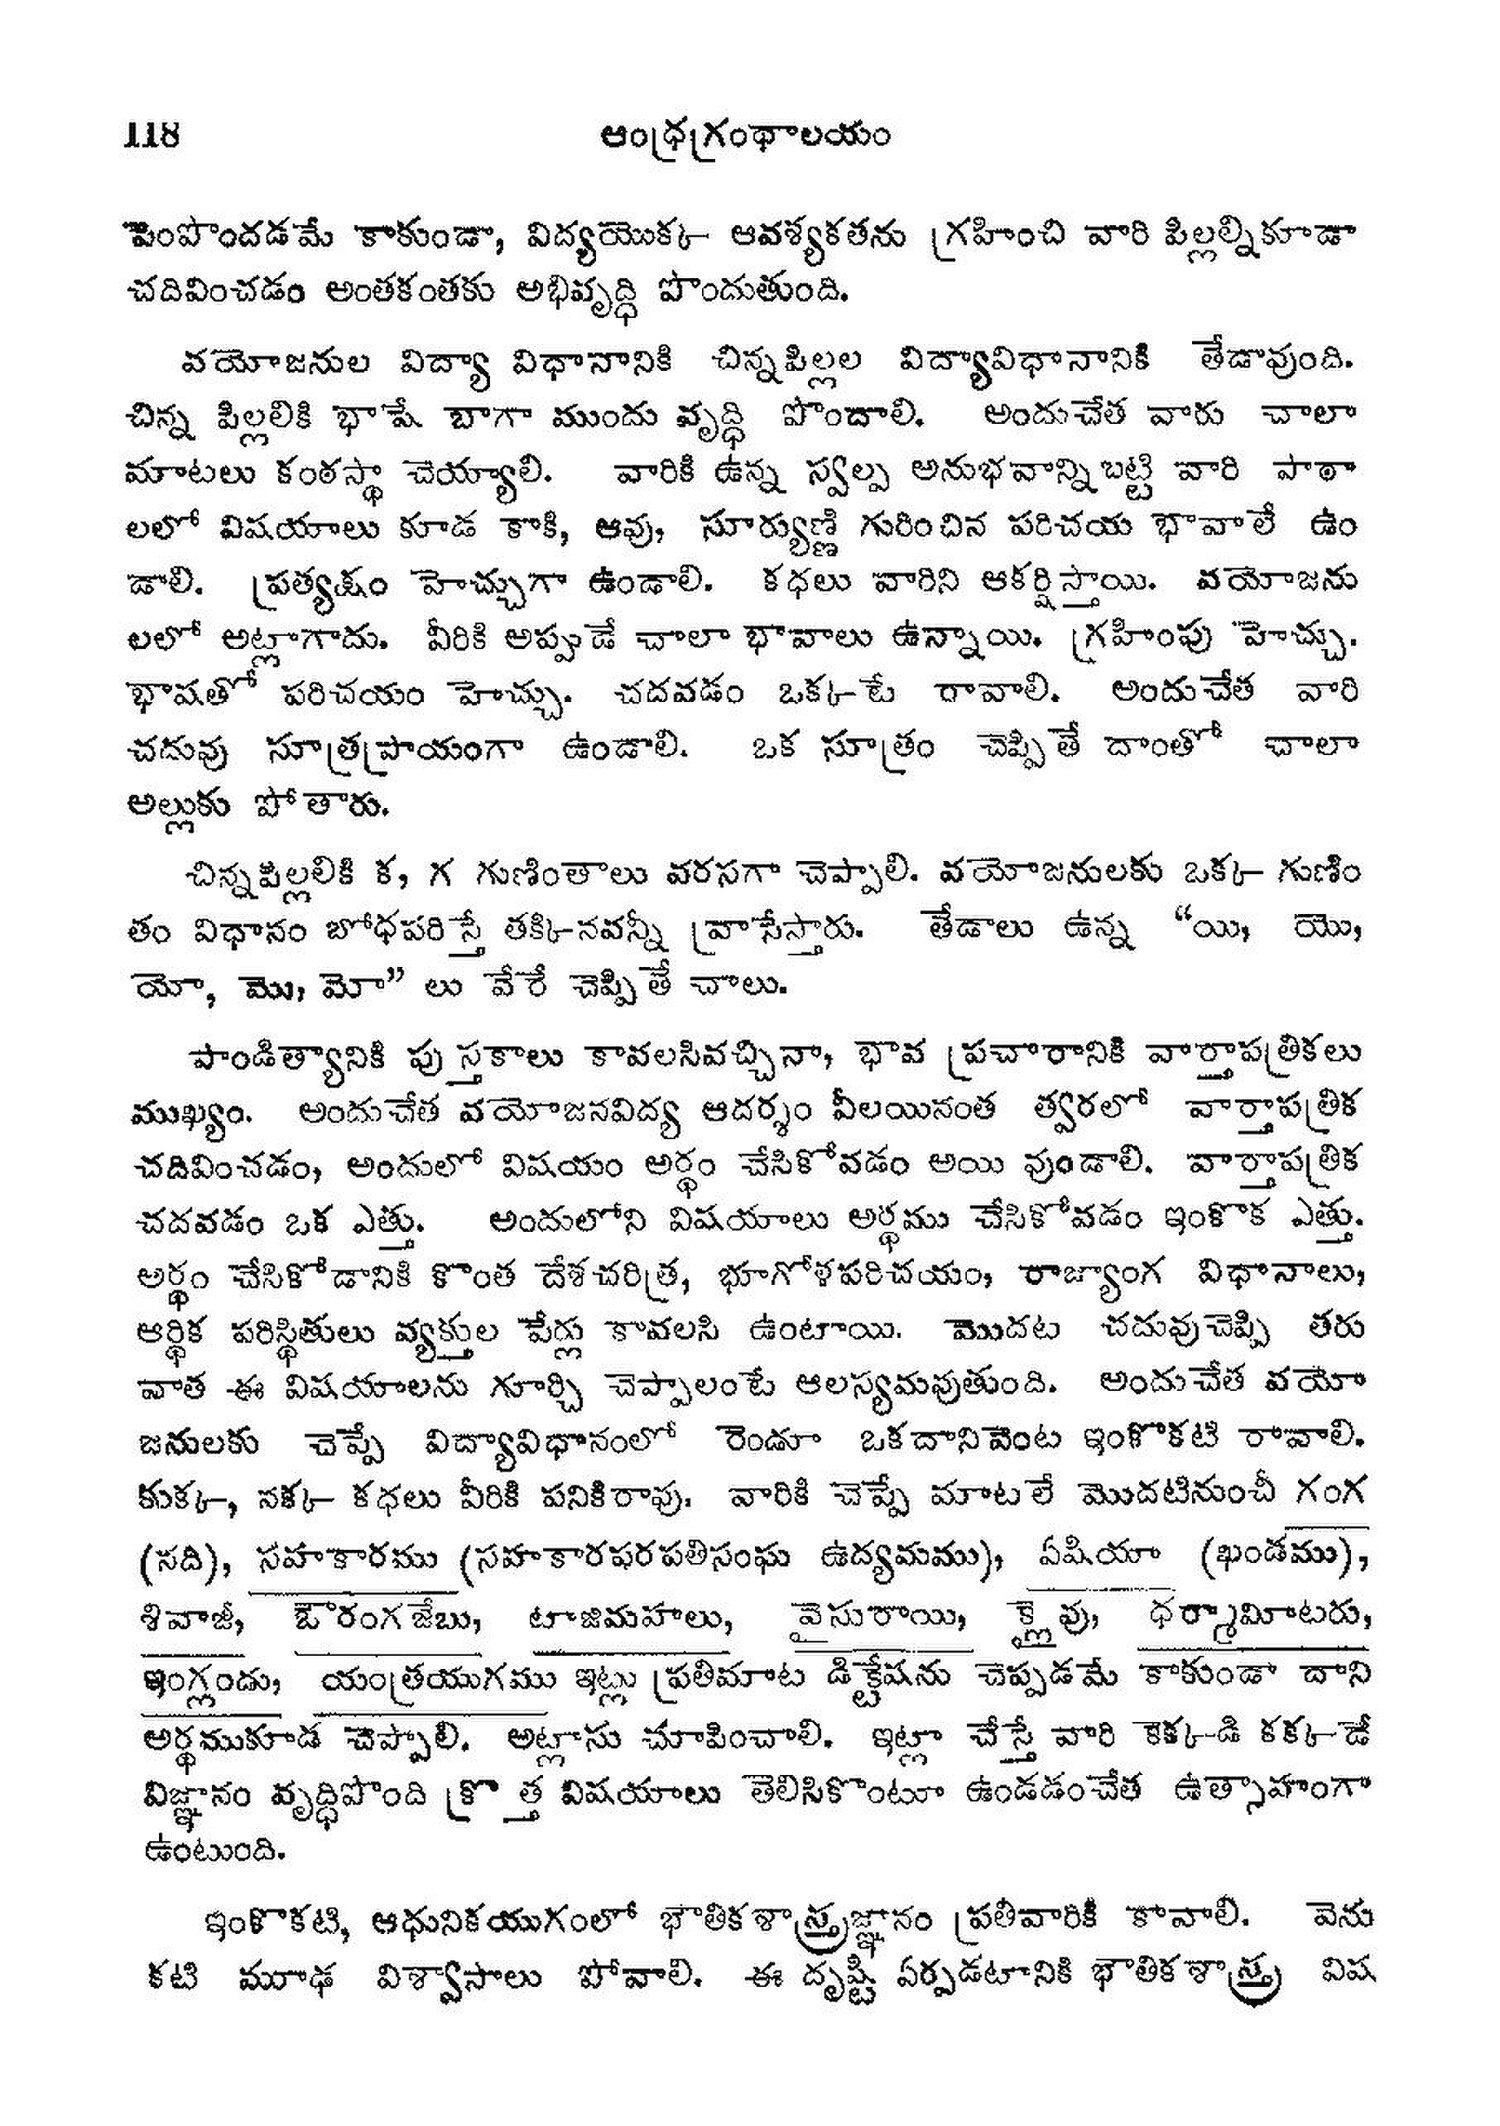'పెంపొందడమే కాకుండా, విద్యయొక్క ఆవశ్యకతను గ్రహించి వారి పిల్లల్ని కూడా చదివించడం అంతకంతకు అభివృద్ధి 
పొందుతుంది.

వయోజనుల విద్యా విధానానికి చిన్నపిల్లల విద్యావిధానానికి తేడావుంది. చిన్న పిల్లలికి భాషే బాగా ముందు వృద్ధి పొందాలి.
అందుచేత వారు చాలామాటలు కంఠస్థా చెయ్యాలి. వారికి ఉన్న స్వల్ప అనుభవాన్ని బట్టి వారి పాఠాలలో విషయాలు కూడ 
కాకి, ఆవు, సూర్యుణ్ణి గురించిన పరిచయ భావాలే ఉండాలి. ప్రత్యక్షం హెచ్చుగా ఉండాలి. కధలు వారిని ఆకర్షిస్తాయి. 
వయోజనులలో అట్లాగాదు. వీరికి అప్పుడే చాలా భావాలు ఉన్నాయి. గ్రహింపు హెచ్చు. భాషతో పరిచయం హెచ్చు. 
చదవడం ఒక్కటే రావాలి. అందుచేత వారి చదువు సూత్రప్రాయంగా ఉండాలి. ఒక సూత్రం చెప్పితే దాంతో చాలా
అల్లుకు పోతారు.

చిన్నపిల్లలికి క, గ గుణింతాలు వరసగా చెప్పాలి. వయోజనులకు ఒక్క గుణింతం విధానం బోధపరిస్తే తక్కినవన్నీ వ్రాసేస్తారు.
తేడాలు ఉన్న “యి, యొ,యో, మొ, మో” లు వేరే చెప్పితే చాలు.

పాండిత్యానికి పుస్తకాలు కావలసివచ్చినా, భావ ప్రచారానికి వార్తాపత్రికలు ముఖ్యం. అందుచేత వయోజనవిద్య ఆదర్శం 
వీలయినంత త్వరలో వార్తాపత్రిక చదివించడం, అందులో విషయం అర్థం చేసికోవడం అయి వుండాలి. వార్తాపత్రిక
చదవడం ఒక ఎత్తు. అందులోని విషయాలు అర్థము చేసికోవడం ఇంకొక ఎత్తు. అర్థం చేసికోడానికి కొంత దేశ చరిత్ర, 
భూగోళపరిచయం, రాజ్యాంగ విధానాలు, ఆర్థిక పరిస్థితులు వ్యక్తుల పేర్లు కావలసి ఉంటాయి. మొదట చదువు చెప్పి 
తరువాత ఈ విషయాలను గూర్చి చెప్పాలంటే ఆలస్యమవుతుంది. అందుచేత వయోజనులకు చెప్పే విద్యావిధానంలో 
రెండూ ఒకదాని వెంట ఇంకొకటి రావాలి. కుక్క, నక్క కధలు వీరికి పనికిరావు. వారికీ చెప్పే మాటలే మొదటినుంచీ గంగ
(సది), సహకారము (సహకార పరపతి సంఘ ఉద్యమము), ఏషియా (ఖండము),శివాజీ, ఔరంగ జేబు, టాజిమహలు,
వైసురాయి, క్లయివ్, ధర్మామీటరు, ఇంగ్లండు, యంత్రయుగము ఇట్లు ప్రతిమాట డిక్టేషను చెప్పడమే కాకుండా దాని
అర్థముకూడ చెప్పాలి. అట్లాసు చూపించాలి. ఇట్లా చేస్తే వారి కెక్కడి కక్కడే విజ్ఞానం వృద్ధిపొంది క్రొత్త విషయాలు 
తెలిసికొంటూ ఉండడంచేత ఉత్సాహంగా ఉంటుంది.

ఇంకొకటి, ఆధునికయుగంలో భౌతికశాస్త్రజ్ఞానం ప్రతీవారికీ కావాలి. వెనుకటి మూఢ విశ్వాసాలు పోవాలి. ఈ దృష్టి 
ఏర్పడటానికి భౌతికశాస్త్ర విష